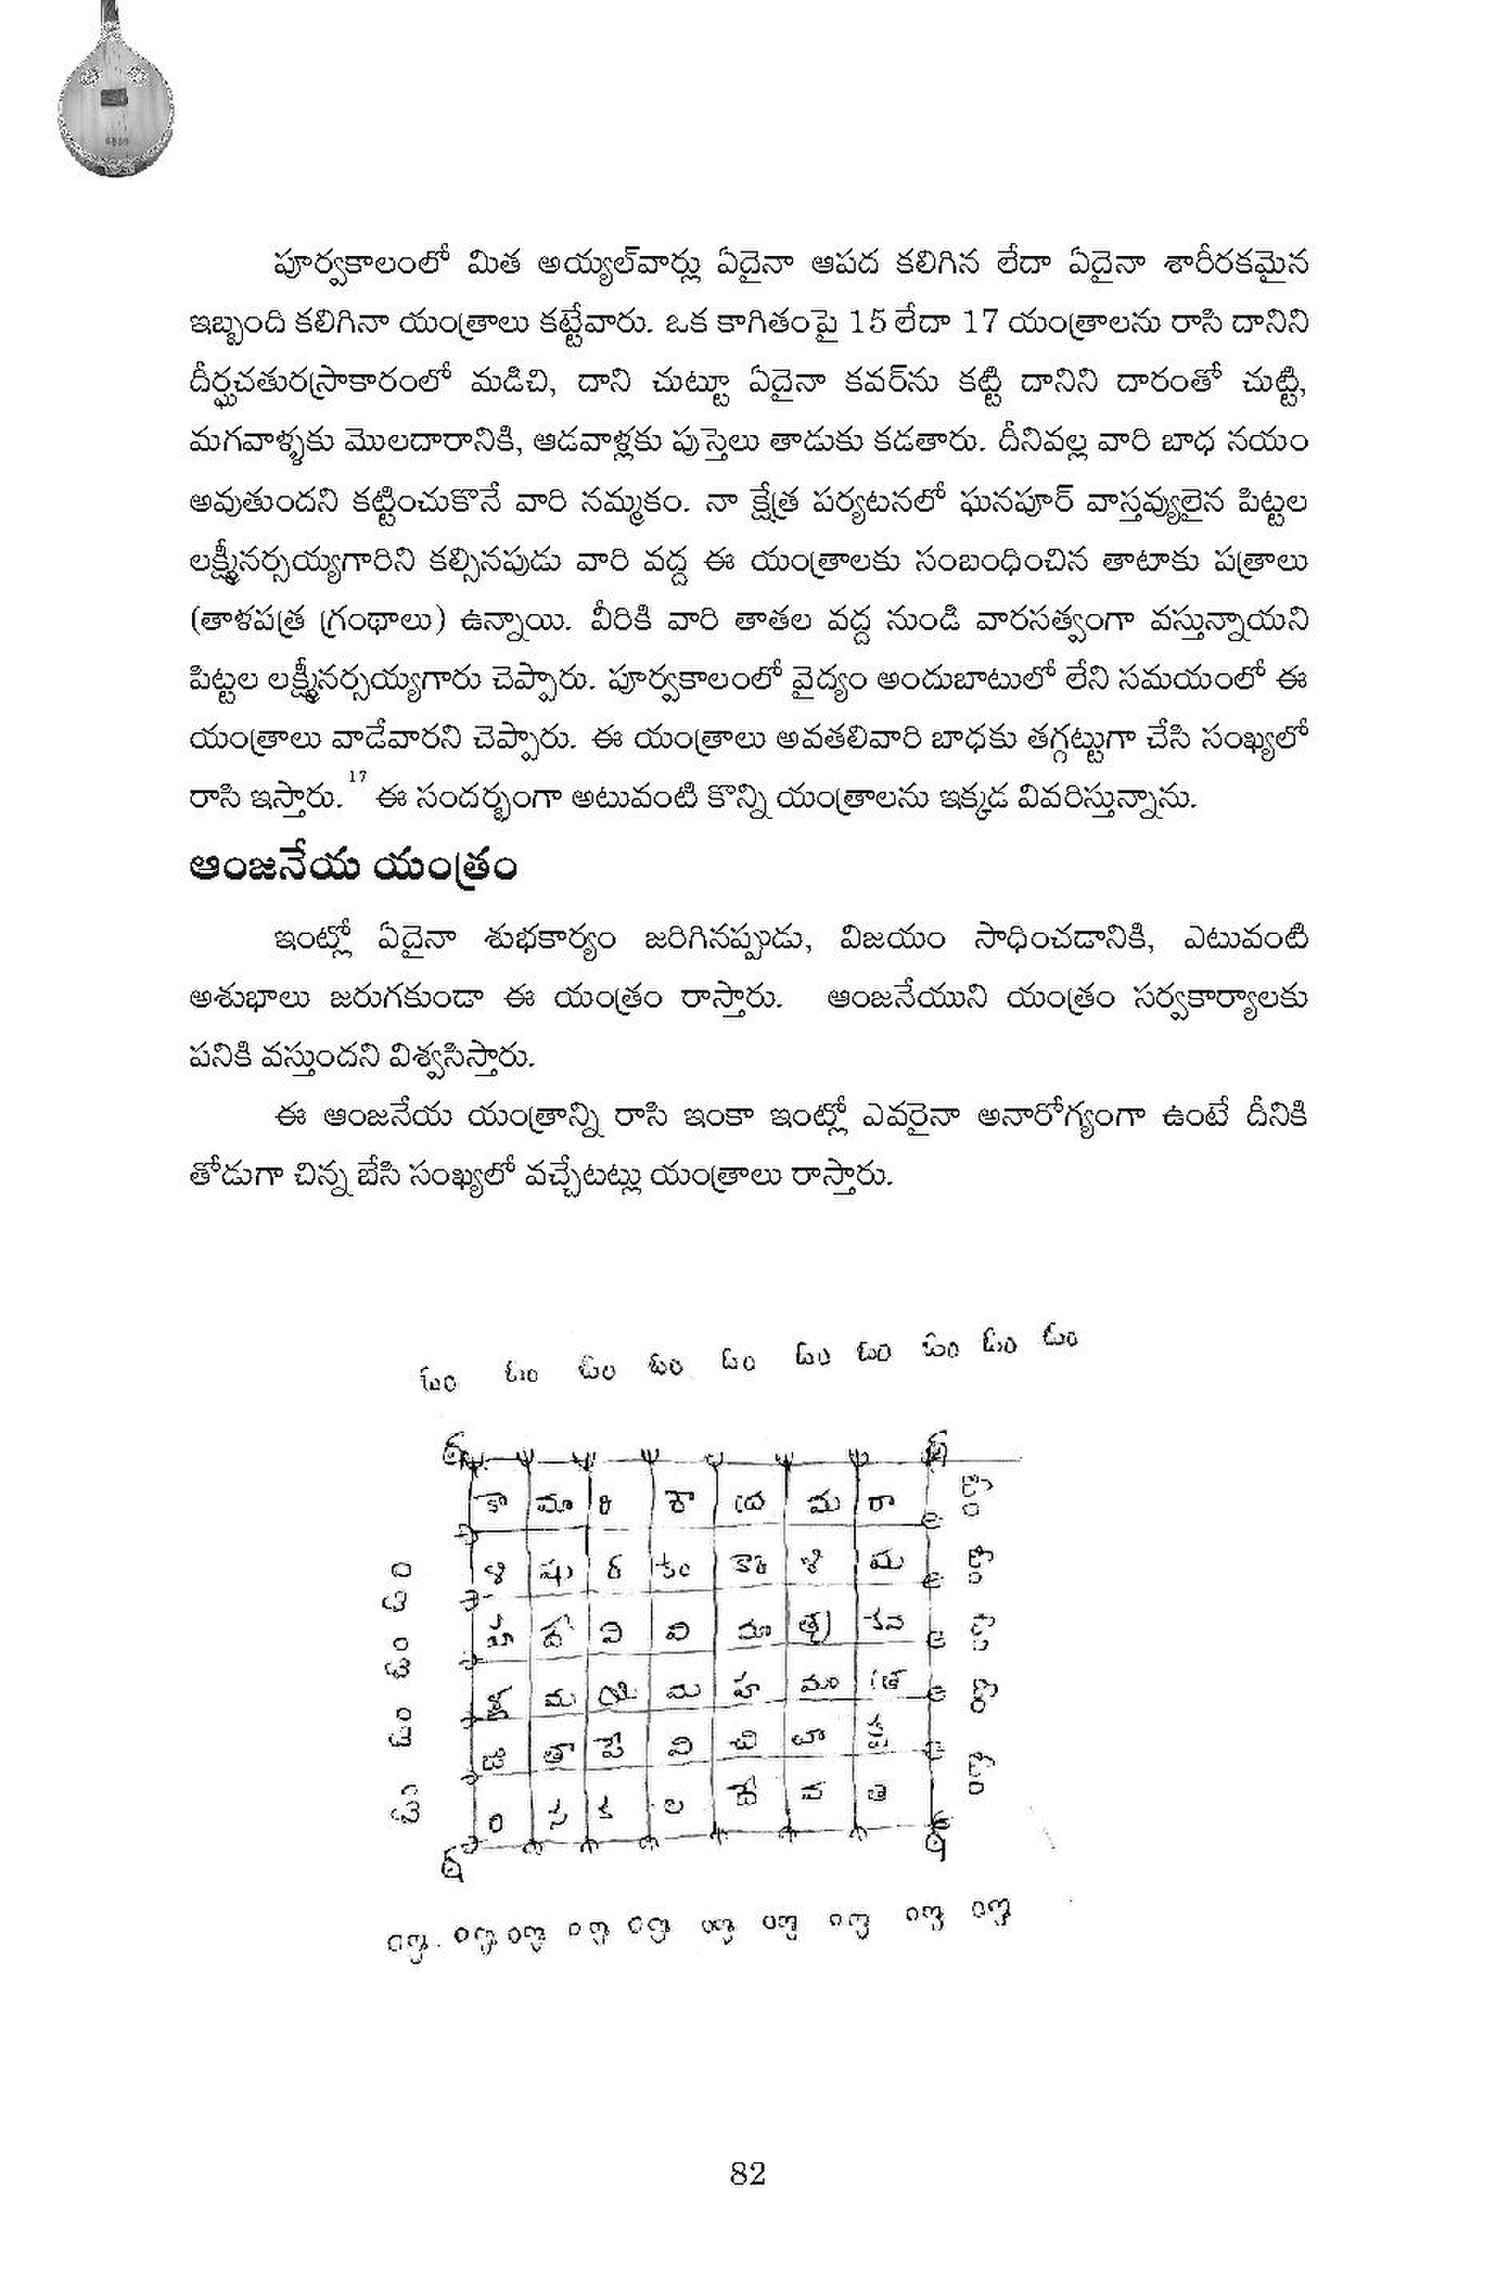పూర్వకాలంలో మిత అయ్యల్వార్లు ఏదైనా ఆపద కలిగిన లేదా ఏదైనా శారీరకమైన ఇబ్బంది కలిగినా యంత్రాలు కట్టేవారు. ఒక కాగితంపై 15 లేదా 17 యంత్రాలను రాసి దానిని దీర్ఘచతురస్రాకారంలో మడిచి, దాని చుట్టూ ఏదైనా కవర్ను కట్టి దానిని దారంతో చుట్టి, మగవాళ్ళకు మొలదారానికి, ఆడవాళ్లకు పుస్తెలు తాడుకు కడతారు. దీనివల్ల వారి బాధ నయం అవుతుందని కట్టించుకొనే వారి నమ్మకం. నా క్షేత్ర పర్యటనలో ఘనపూర్ వాస్తవ్యులైన పిట్టల లక్ష్మీ నర్సయ్య గారిని కల్సినపుడు వారి వద్ద ఈ యంత్రాలకు సంబంధించిన తాటాకు పత్రాలు (తాళపత్ర గ్రంథాలు) ఉన్నాయి. వీరికి వారి తాతల వద్ద నుండి వారసత్వంగా వస్తున్నాయని పిట్టల లక్ష్మీనర్సయ్యగారు చెప్పారు. పూర్వకాలం లో వైద్యం అందుబాటులో లేని సమయంలో ఈ యంత్రాలు వాడేవారని చెప్పారు. ఈ యంత్రాలు అవతలివారి బాధకు తగ్గట్టుగా చేసి సంఖ్యలో రాసి ఇస్తారు.17 ఈ సందర్భంగా అటువంటి కొన్ని యంత్రాలను ఇక్కడ వివరిస్తున్నాను.

ఆంజనేయ యంత్రం 

ఇంట్లో ఏదైనా శుభకార్యం జరిగినప్పుడు, విజయం సాధించడానికి, ఎటువంటి అశుభాలు జరుగకుండా ఈ యంత్రం రాస్తారు. ఆంజనేయుని యంత్రం సర్వకార్యాలకు పనికి వస్తుందని విశ్వసిస్తారు.

ఈ ఆంజనేయ యంత్రాన్ని రాసి ఇంకా ఇంట్లో ఎవరైనా అనారోగ్యంగా ఉంటే దీనికి తోడుగా చిన్న బేసి సంఖ్యలో వచ్చేటట్లు యంత్రాలు రాస్తారు.